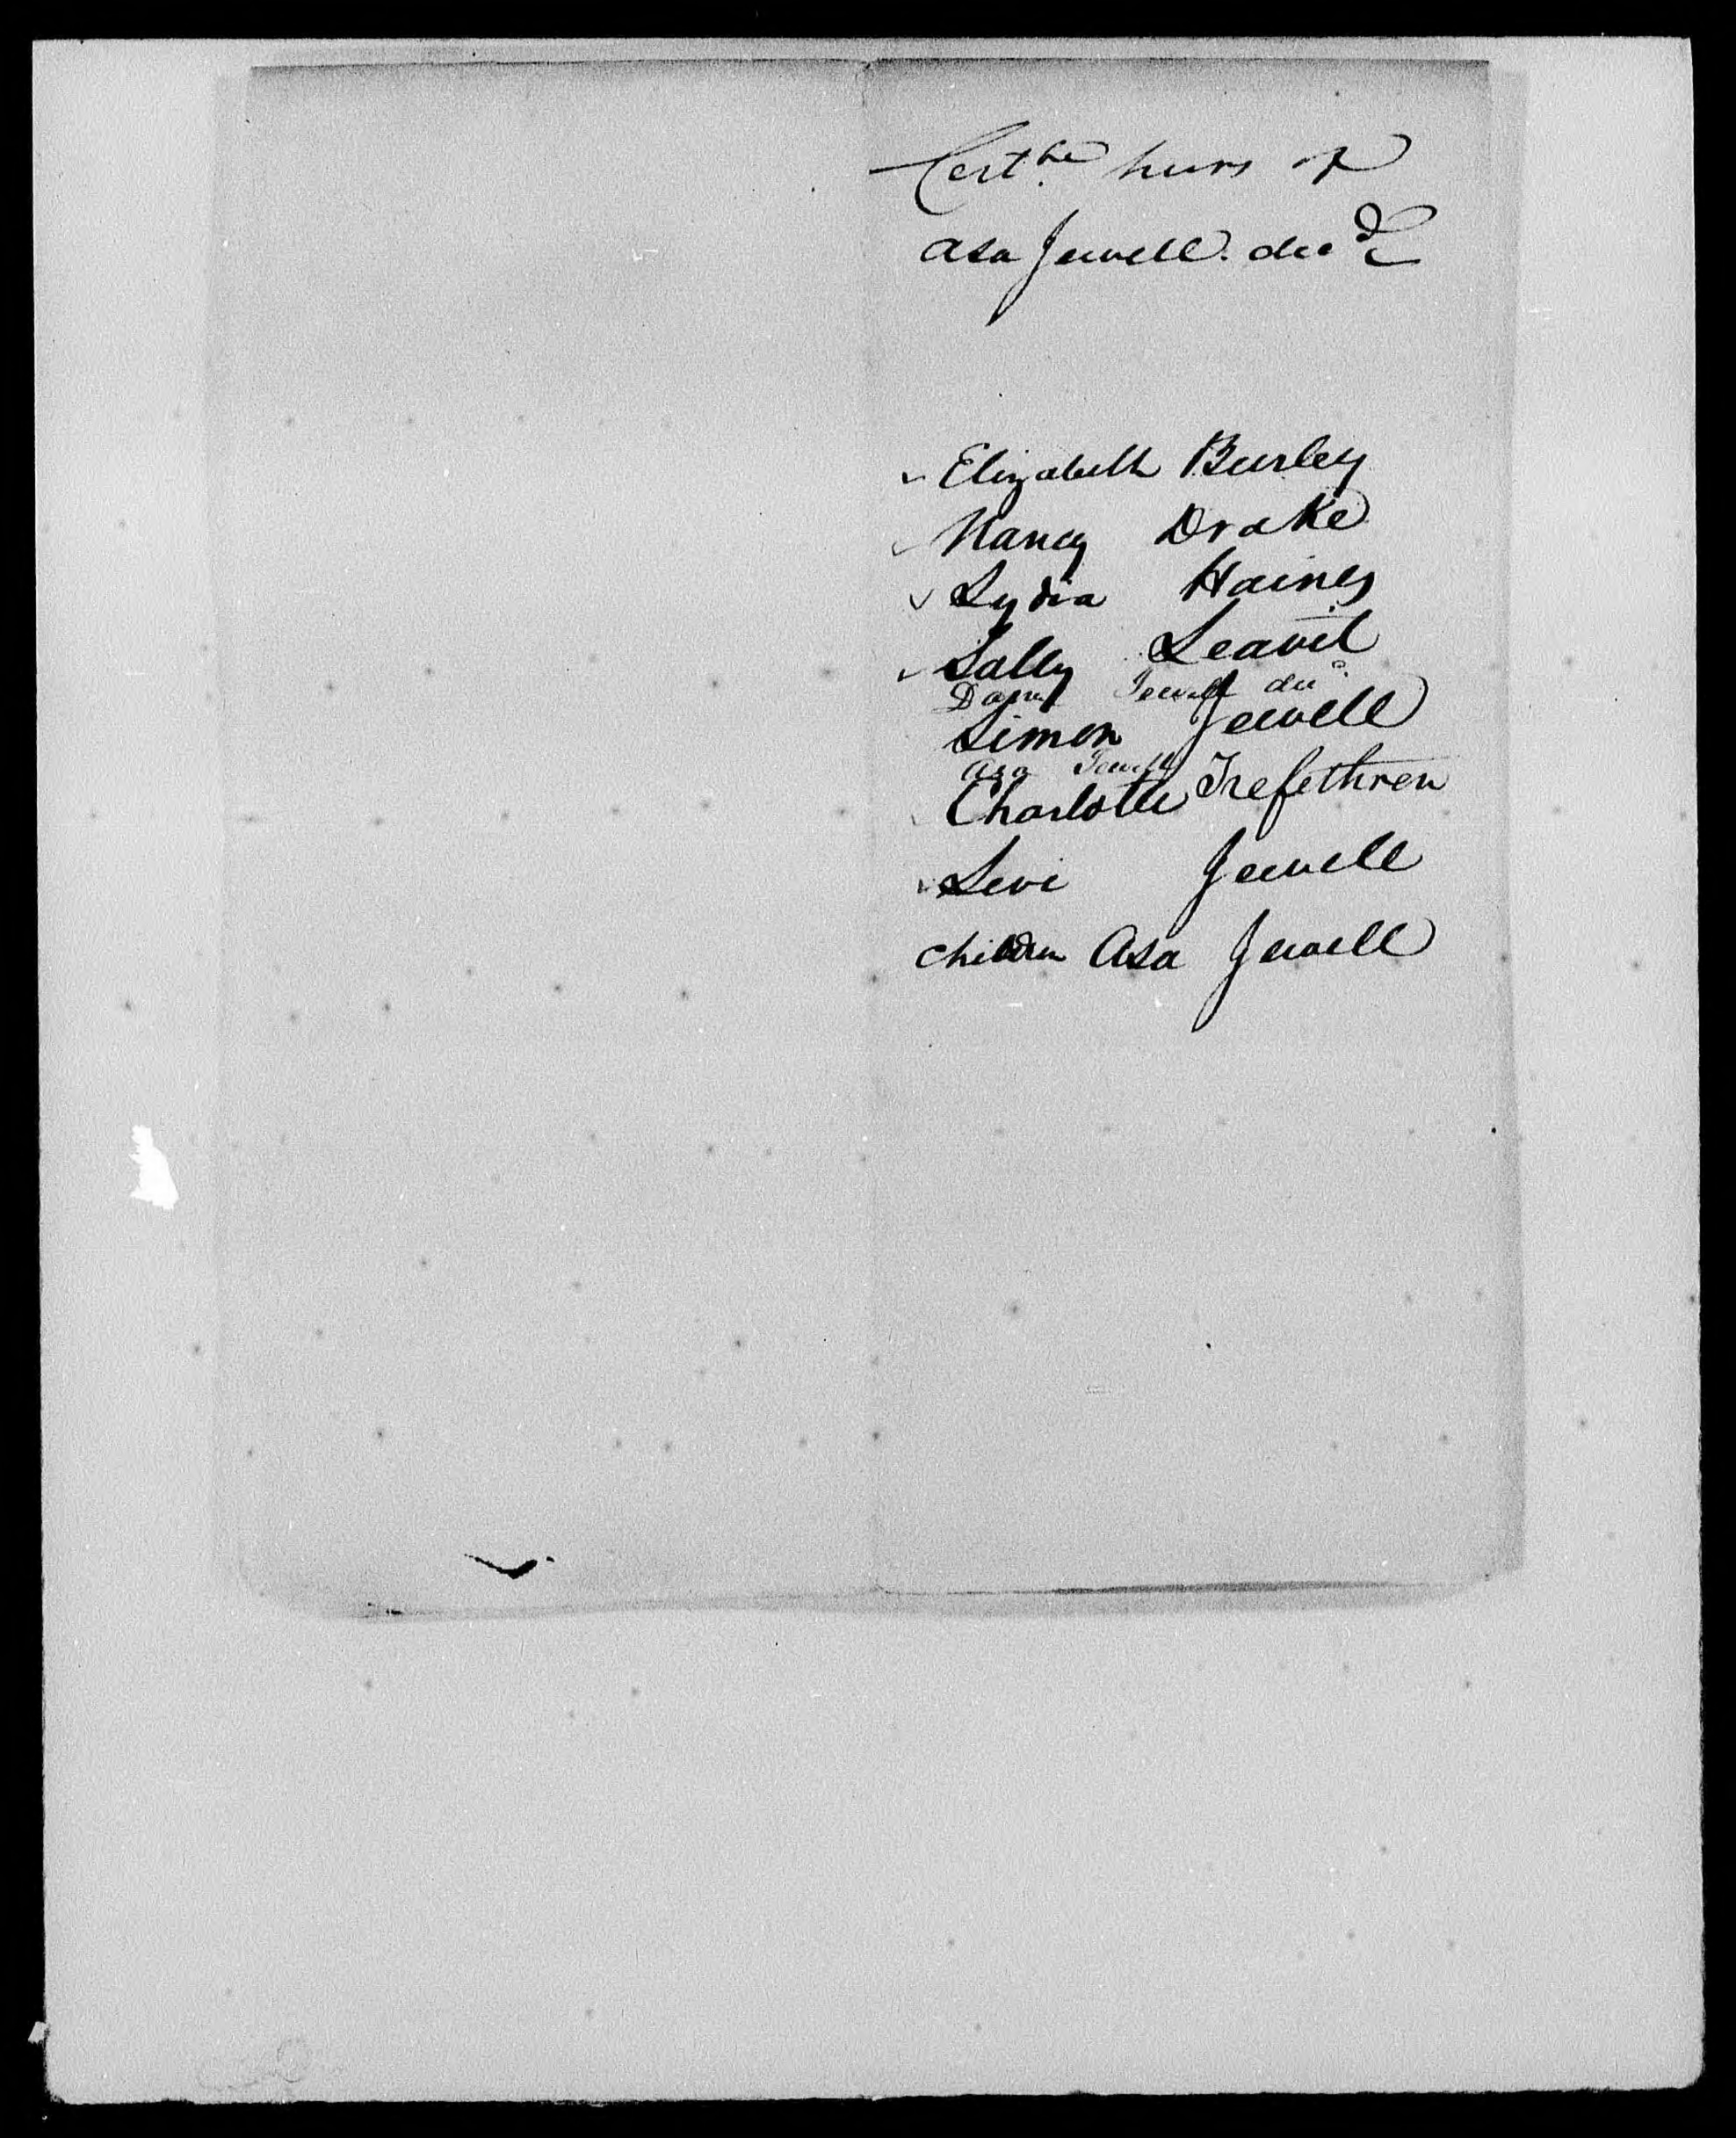Cert. [CERTIFICATE] heirs of Asa Jewell decd [DECEASED]
✓Elizabeth Burley
✓Nancy Drake
✓Lydia Haines
✓Sally Leavit 
Dana Jewell decd [DECEASED] 
Simon Jewell
Asa Jewell
✓Charlotte Trefethren
✓Levi Jewell
children Asa Jewell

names: Charlotte Trefethren; Simon Jewell; Nancy Drake; Levi Jewell; Sally Leavit; Elizabeth Burley; Lydia Haines; Asa Jewell; Dana Jewell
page: 6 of 35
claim: survivor's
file: S. 10912, for Daniel Jewell, New Hampshire